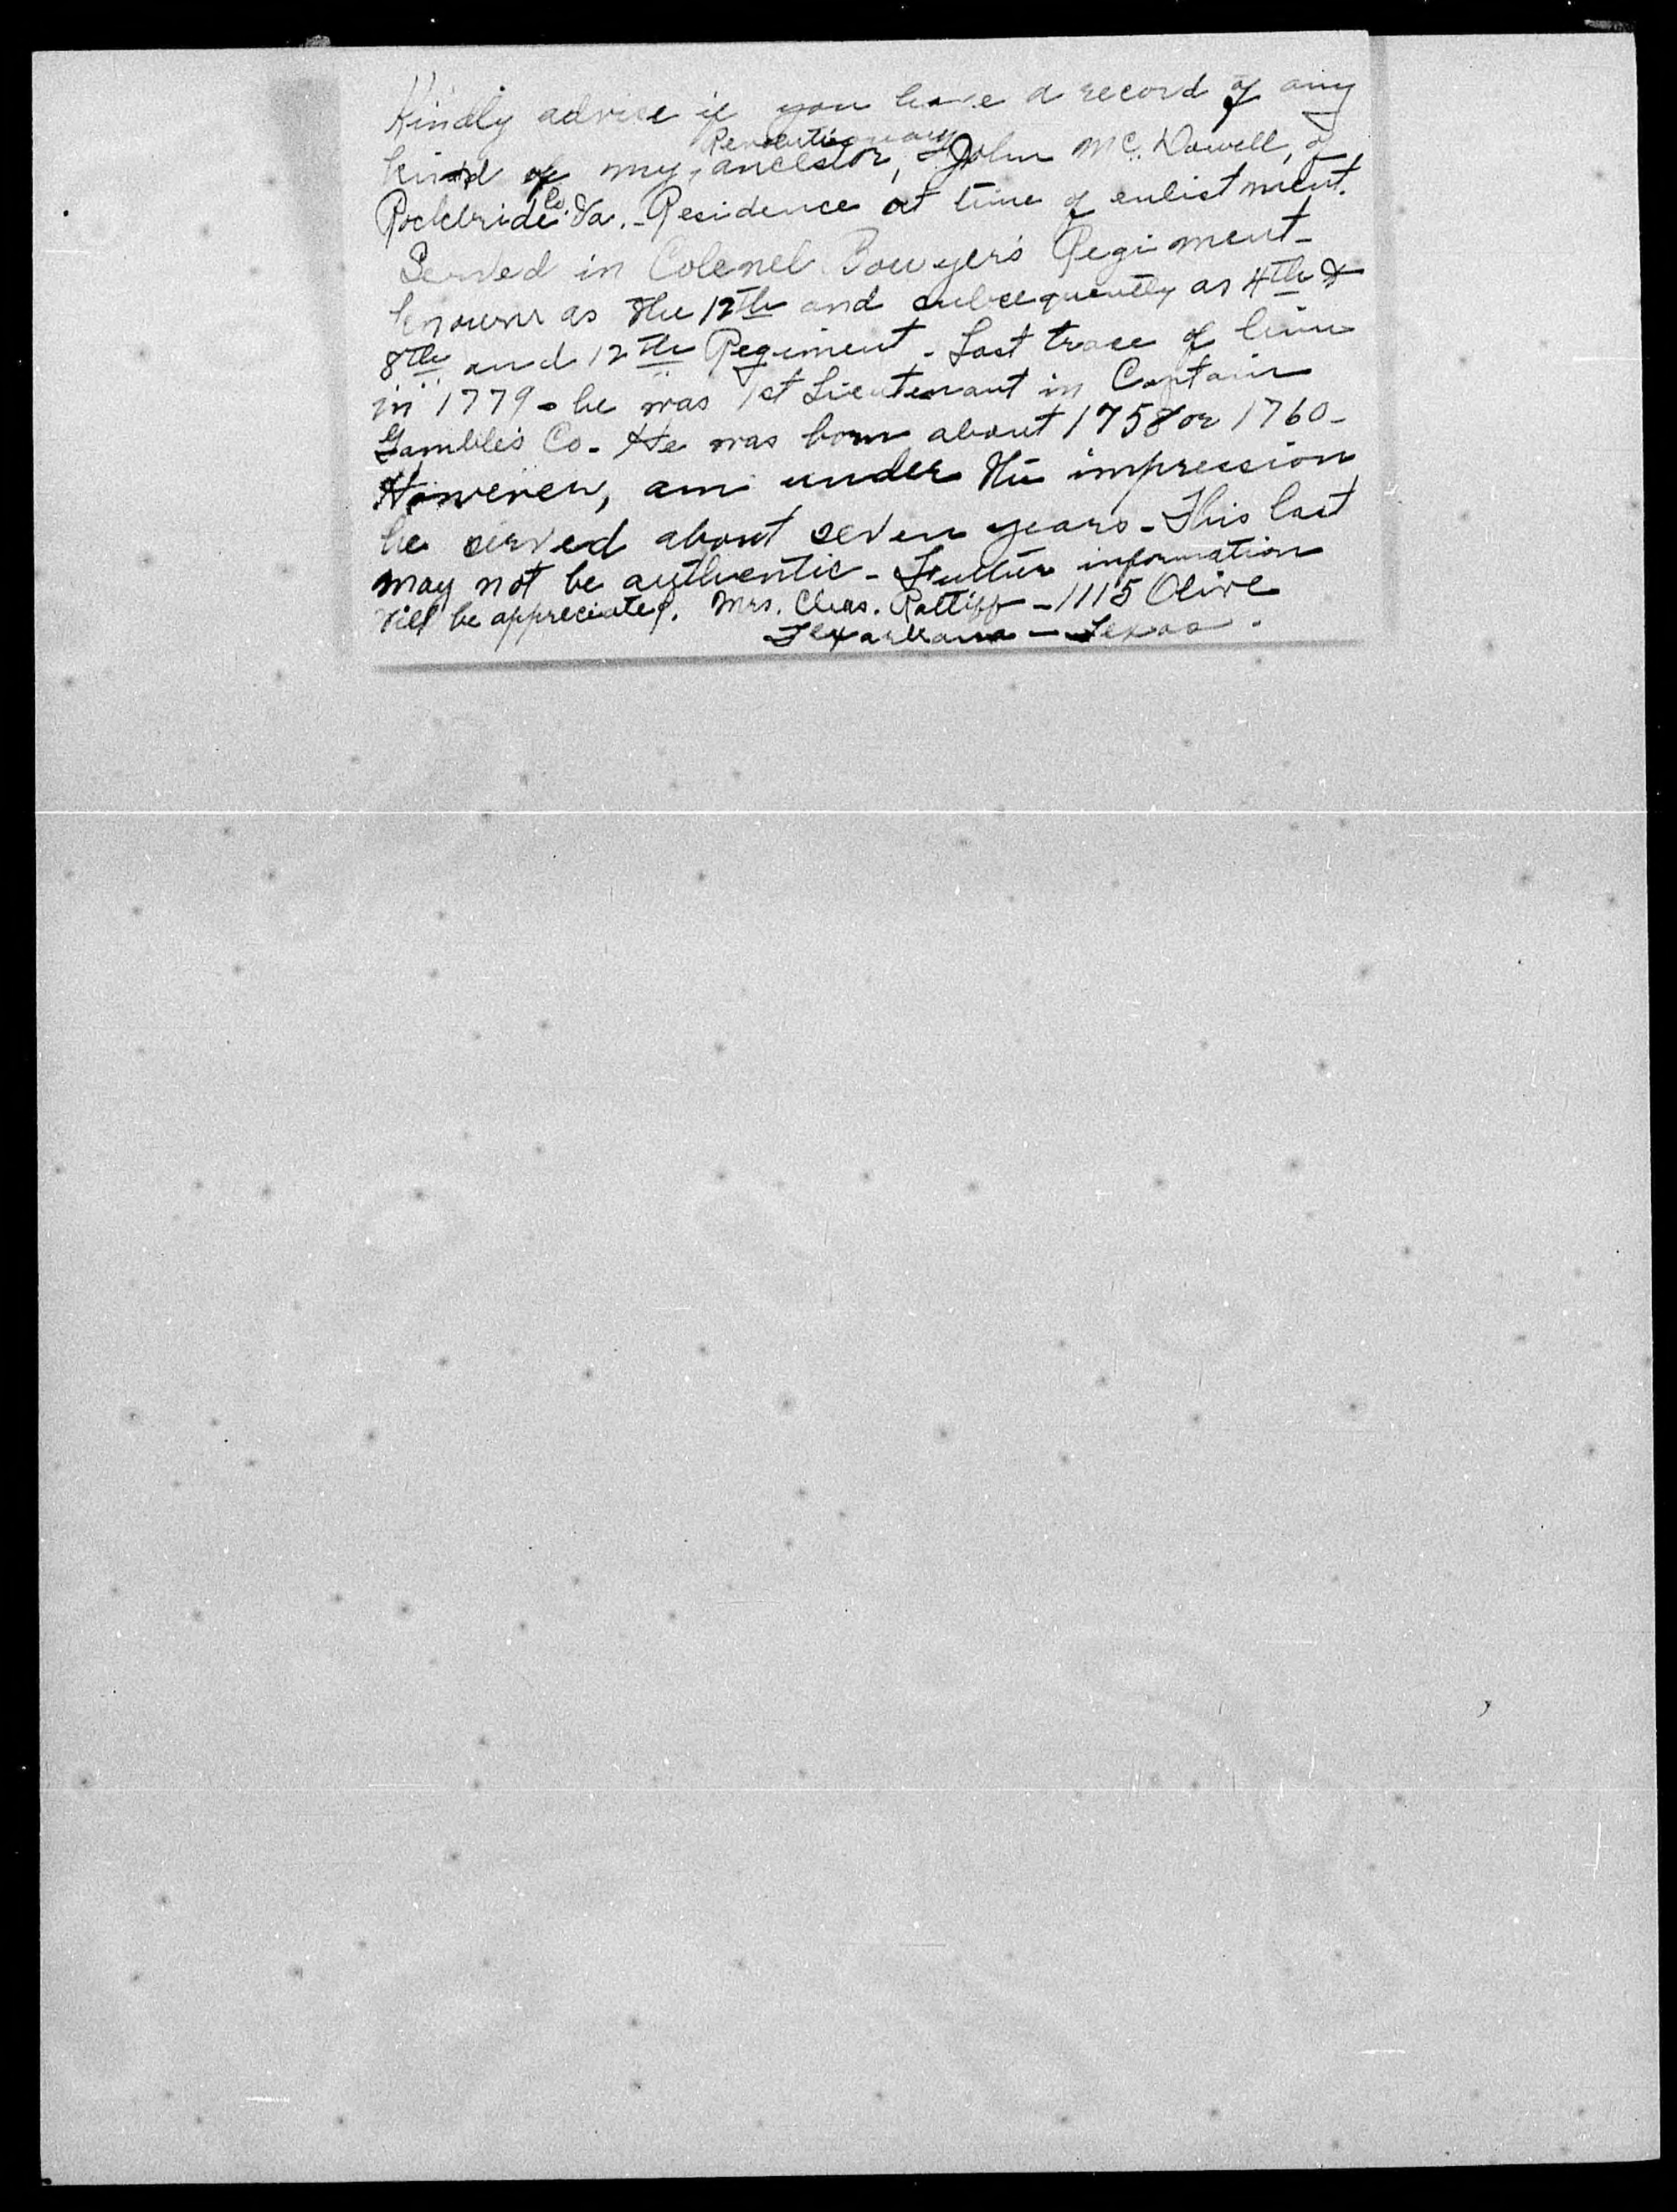Kindly advise if you have a record of any
kind of my Revolutionary ancestor, John McDowell, of
Rockbridge Co. Va. Residence at time of enlistment.
Served in Colonel Bowyer's Regiment--
known as the 12th and subsequently as 4th &
8th and 12th Regiment. Last trace line
in 1779--he was 1st Lieutenant in Captain
Gambles Co.  He was born about 1758 or 1760--
However, am under this impression
he served about seven years.  This last
may not be authentic --Fuller information
will be appreciated.
Mrs. Chas. Ratliff--115 Olive
Texarkana Texas.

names: John Mc Dowell; Chas Ratliff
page: 34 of 47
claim: survivor's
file: S. 30578, for John Mc Dowell, Virginia